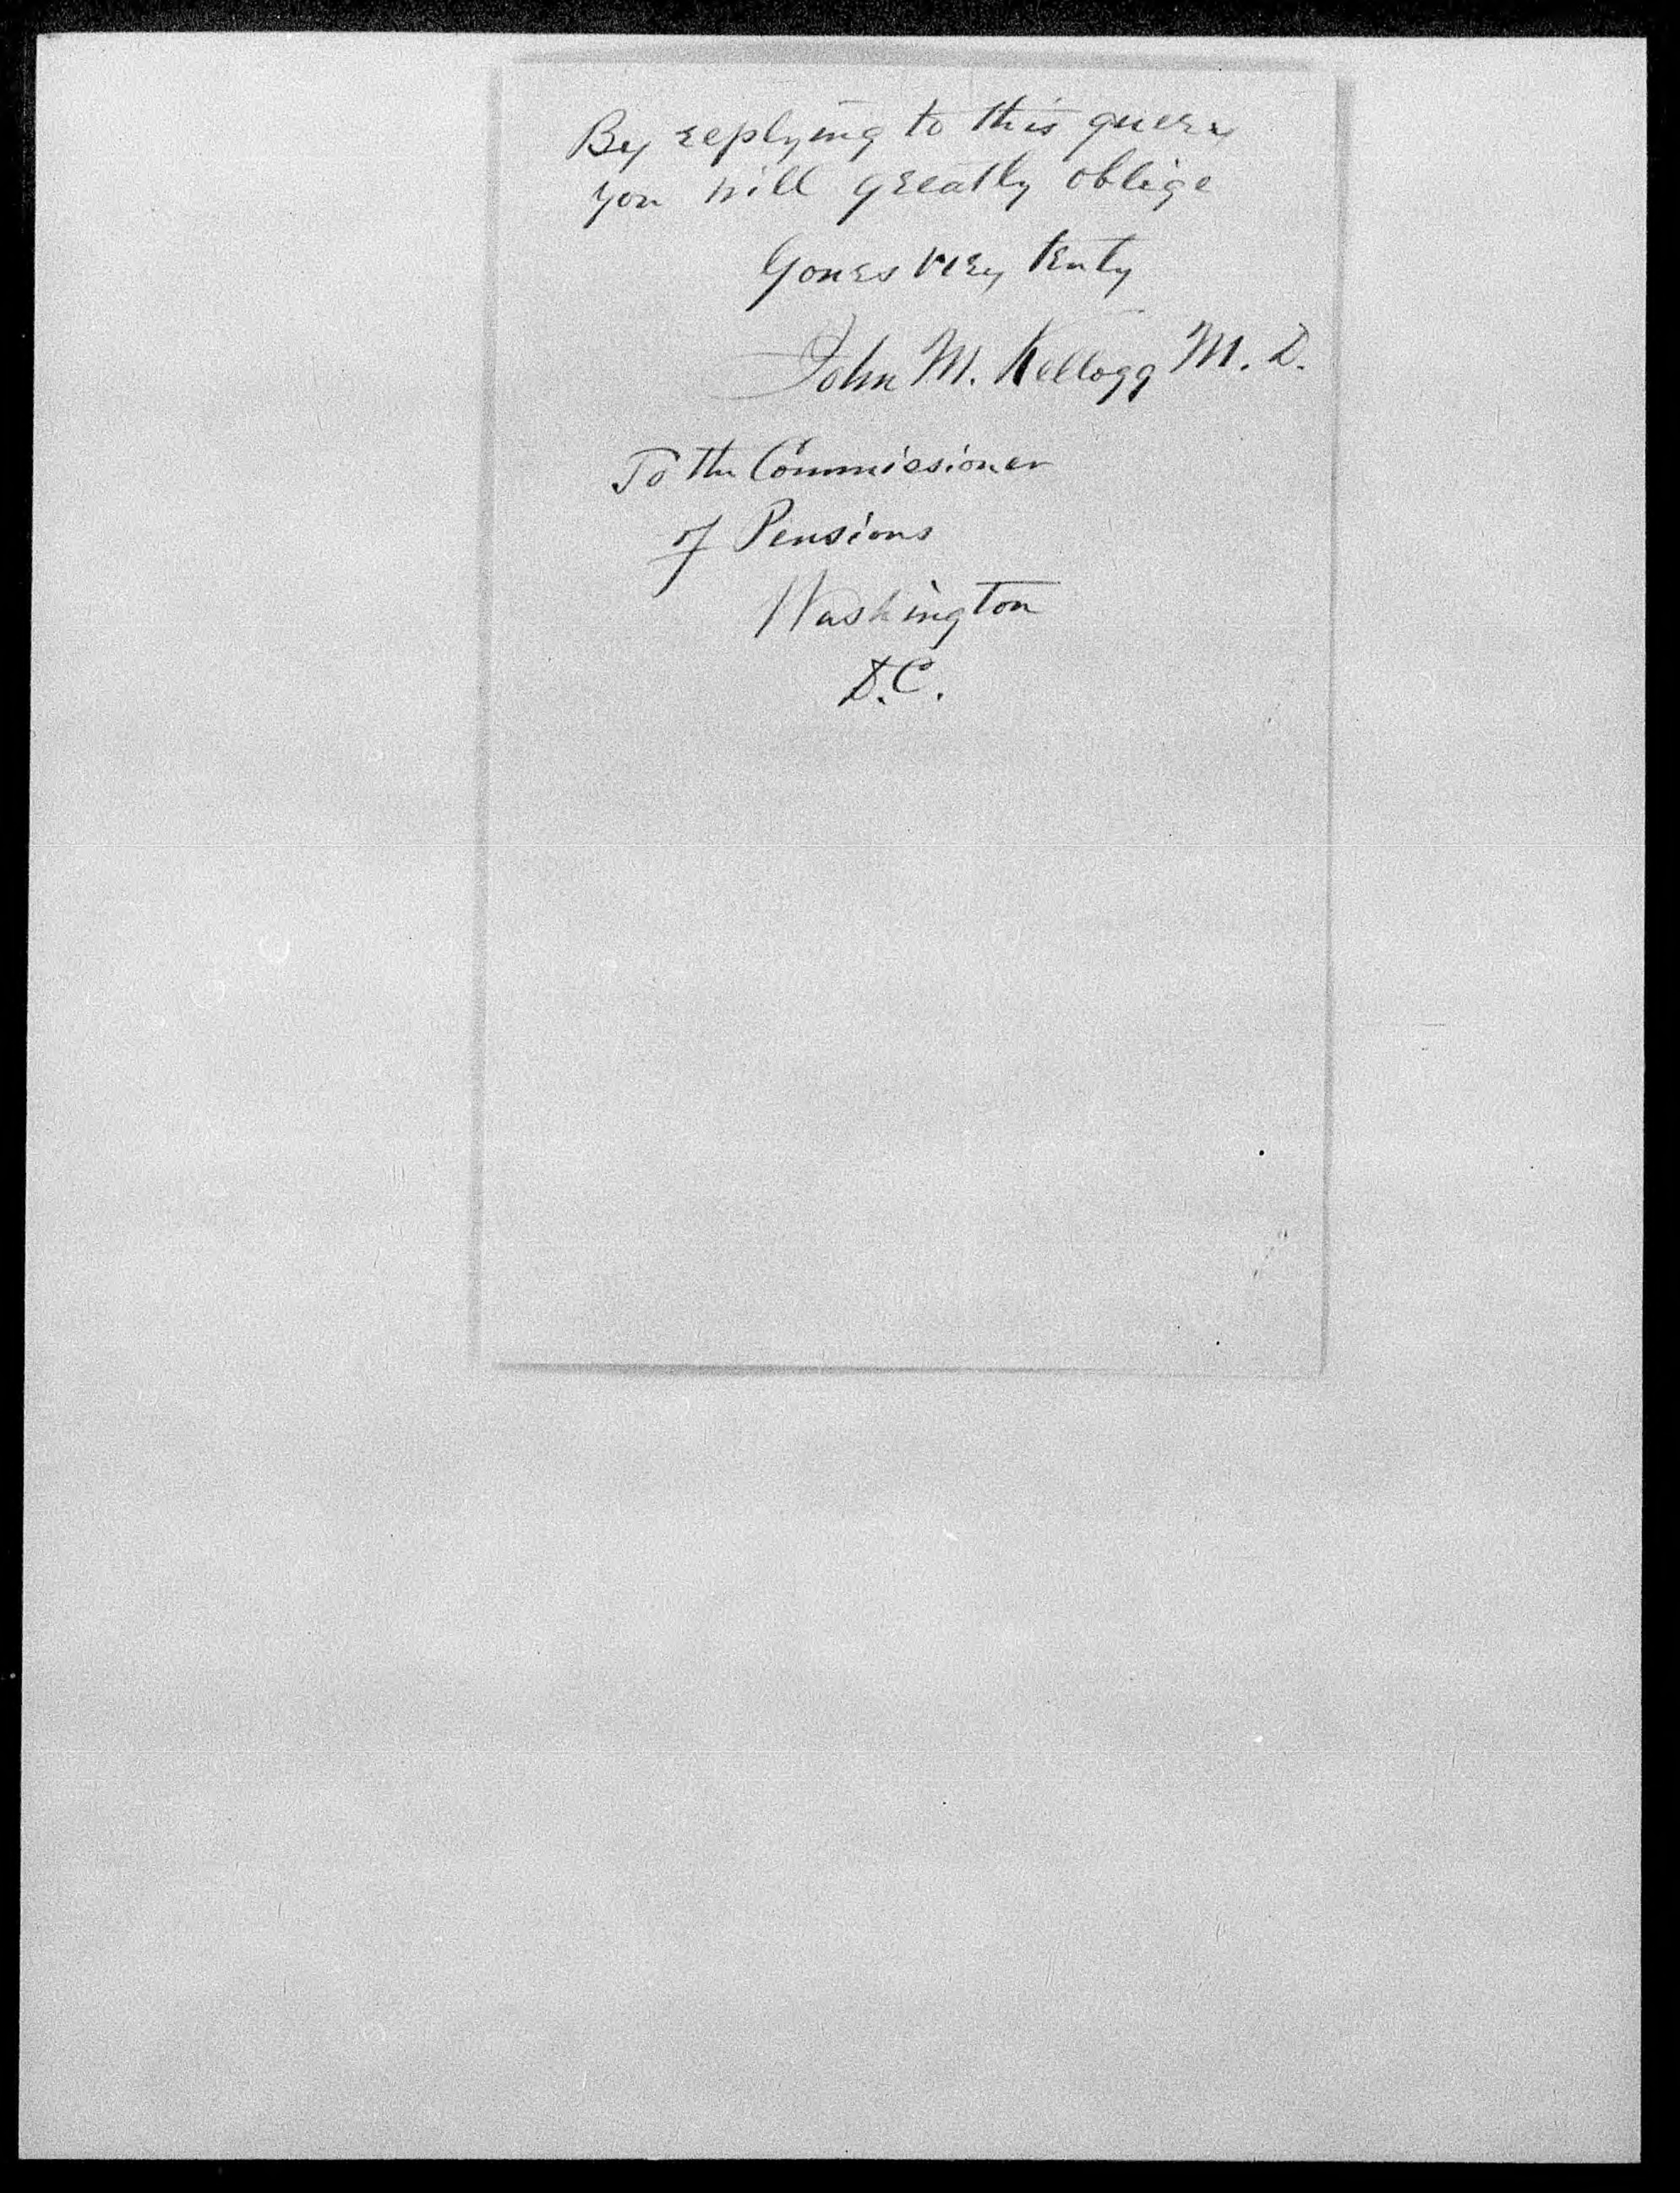By replying to this query you will greatly oblige 
Yours very truly
John M. Kellogg M. D. 

To the Commissioner of Pensions
Washington D. C.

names: John M Kellogg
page: 56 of 60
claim: widow's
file: W. 14,036, for James Knowles, Connecticut